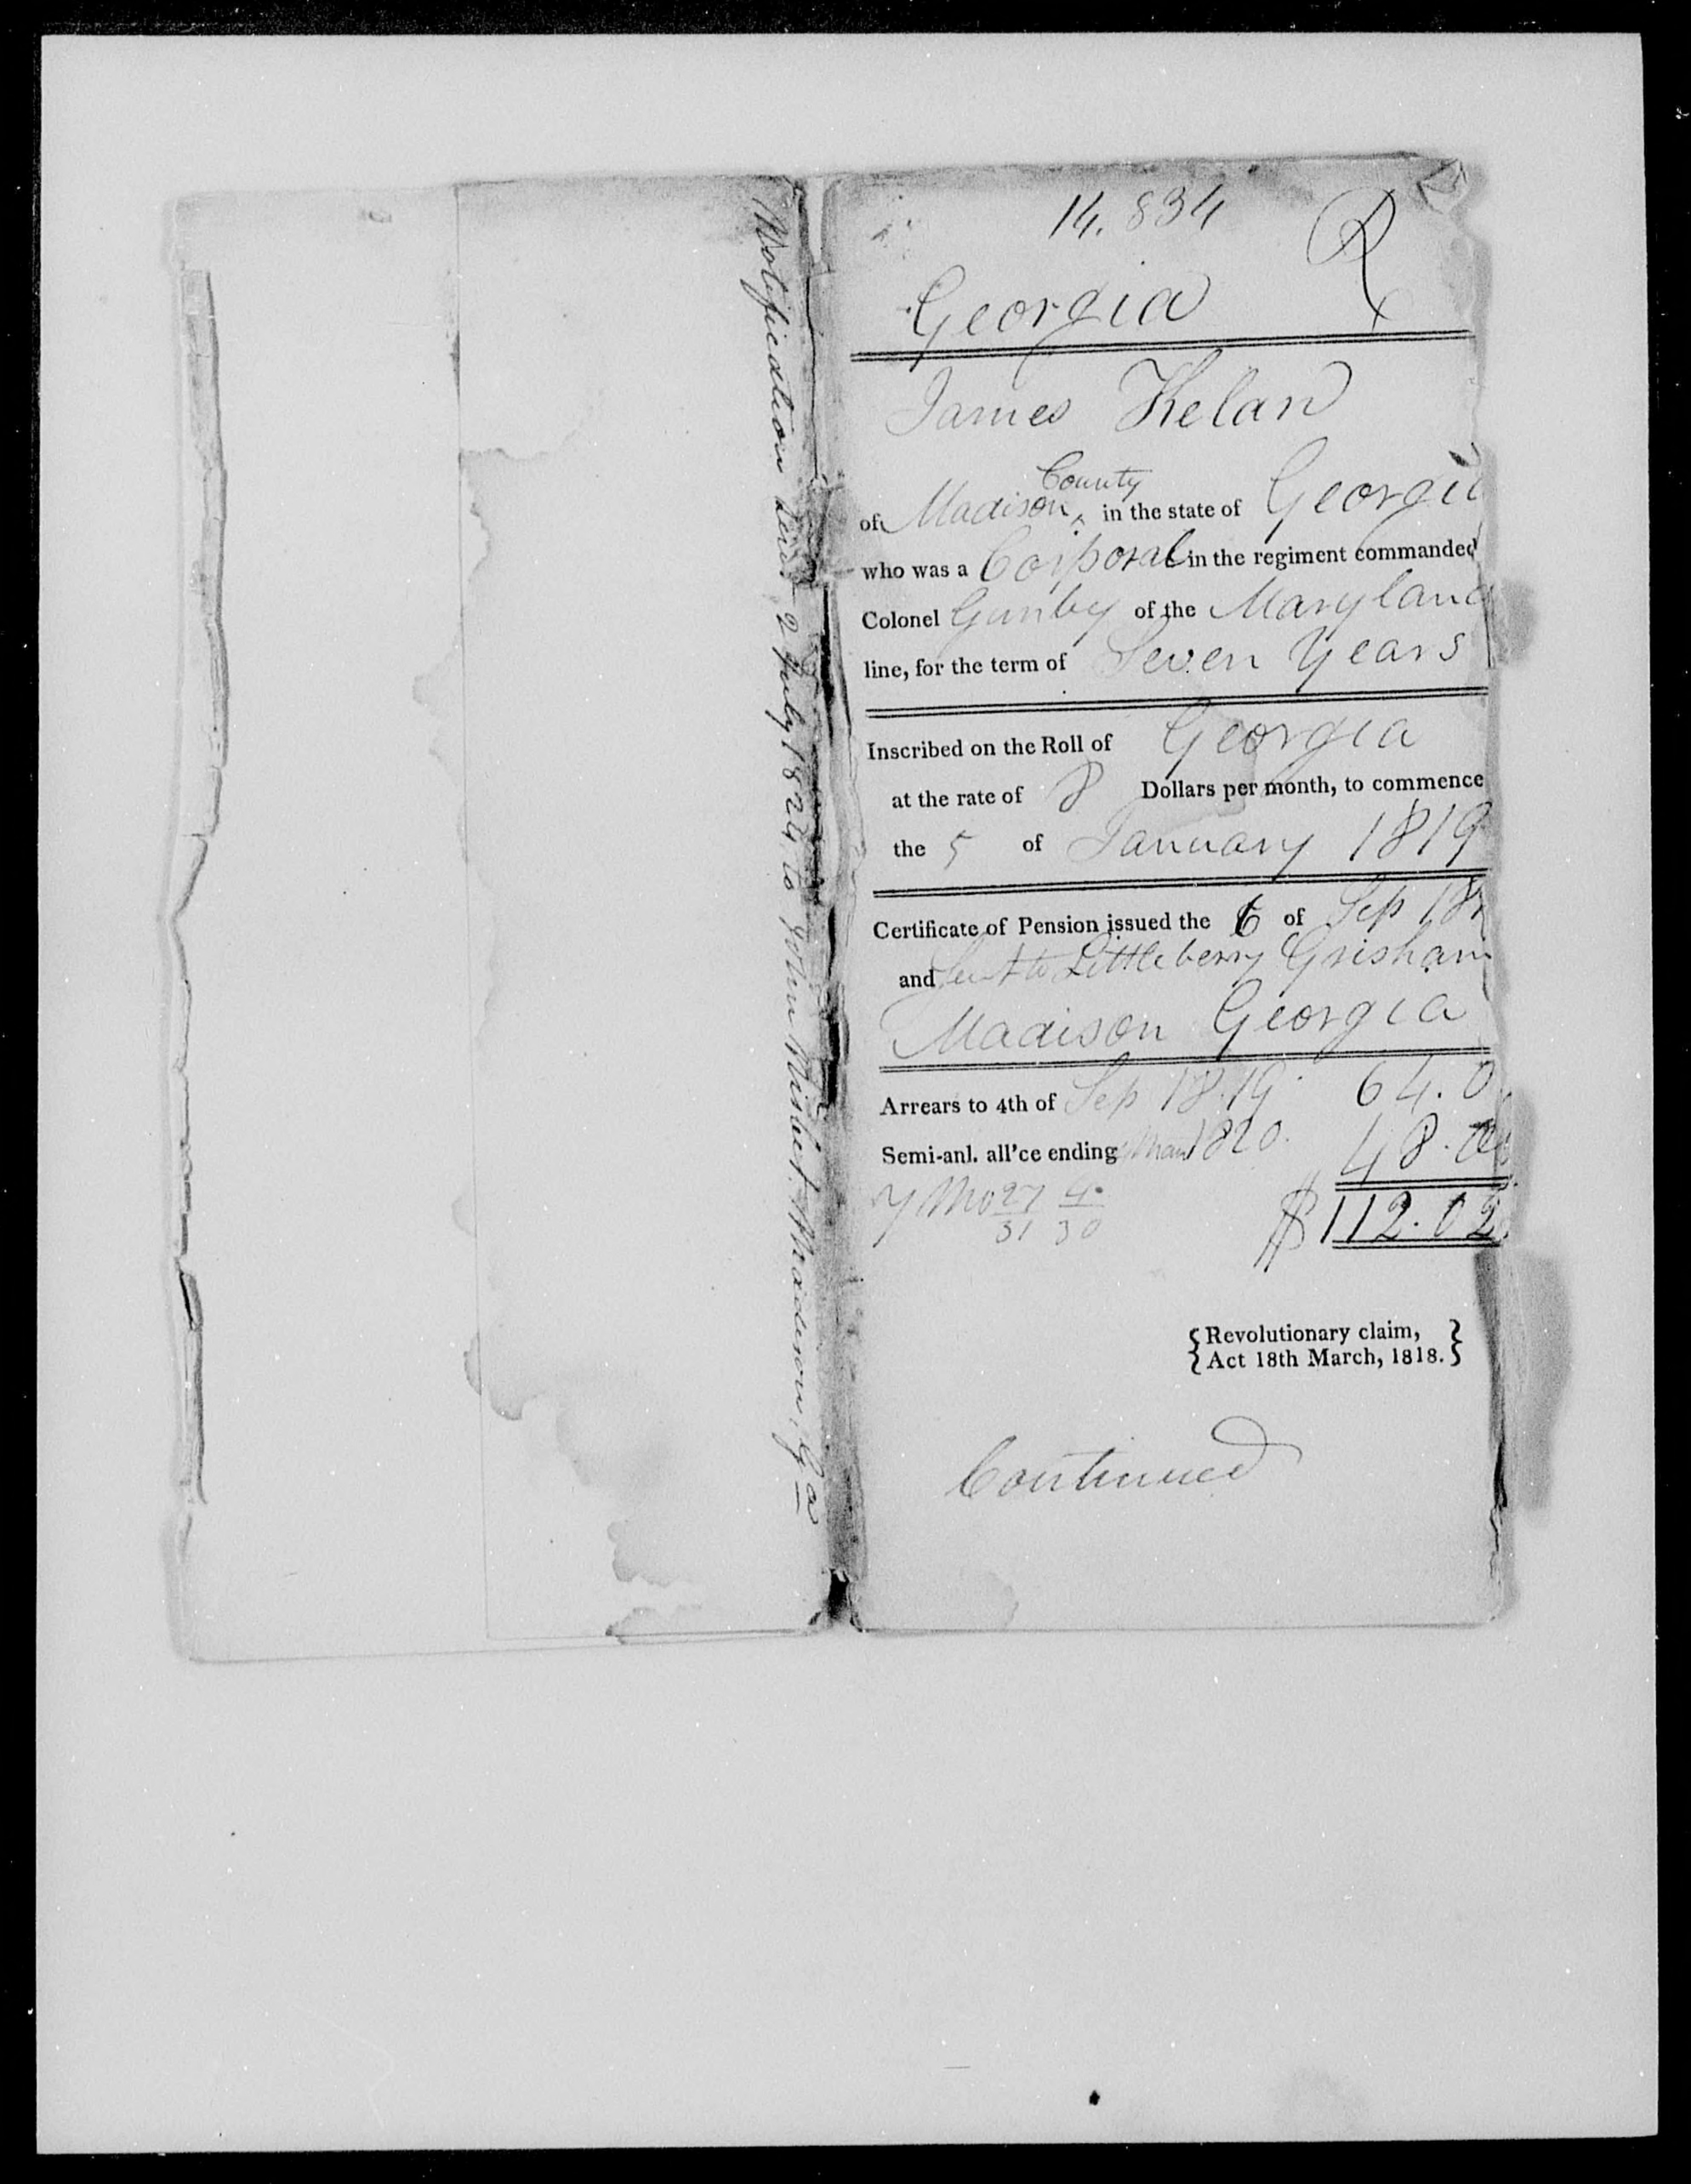16.836

Georgia
===============
James Kelan
of Madison County in the state of Georgia
who was a Corporal in the regiment commanded
Colonel Ganby of the Maryland
line, for the term of Seven Years
=============================
Inscribed on the Roll of Georgia
at the rate of 8 Dollars per month, to commence the 5 of January 1819
=============================
Certificate of Pension issued the 6 of Sep 181
and Sent to Littleberry Grisham
Madison Georgia
============================
Arrears to 4th of Sep 1819            64.0
Semi-anl. all'ce ending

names: James Kelan; [BLANK] Ganby; Littleberry Grisham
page: 5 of 16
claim: survivor's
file: S. 38110, for James Keelan, Maryland